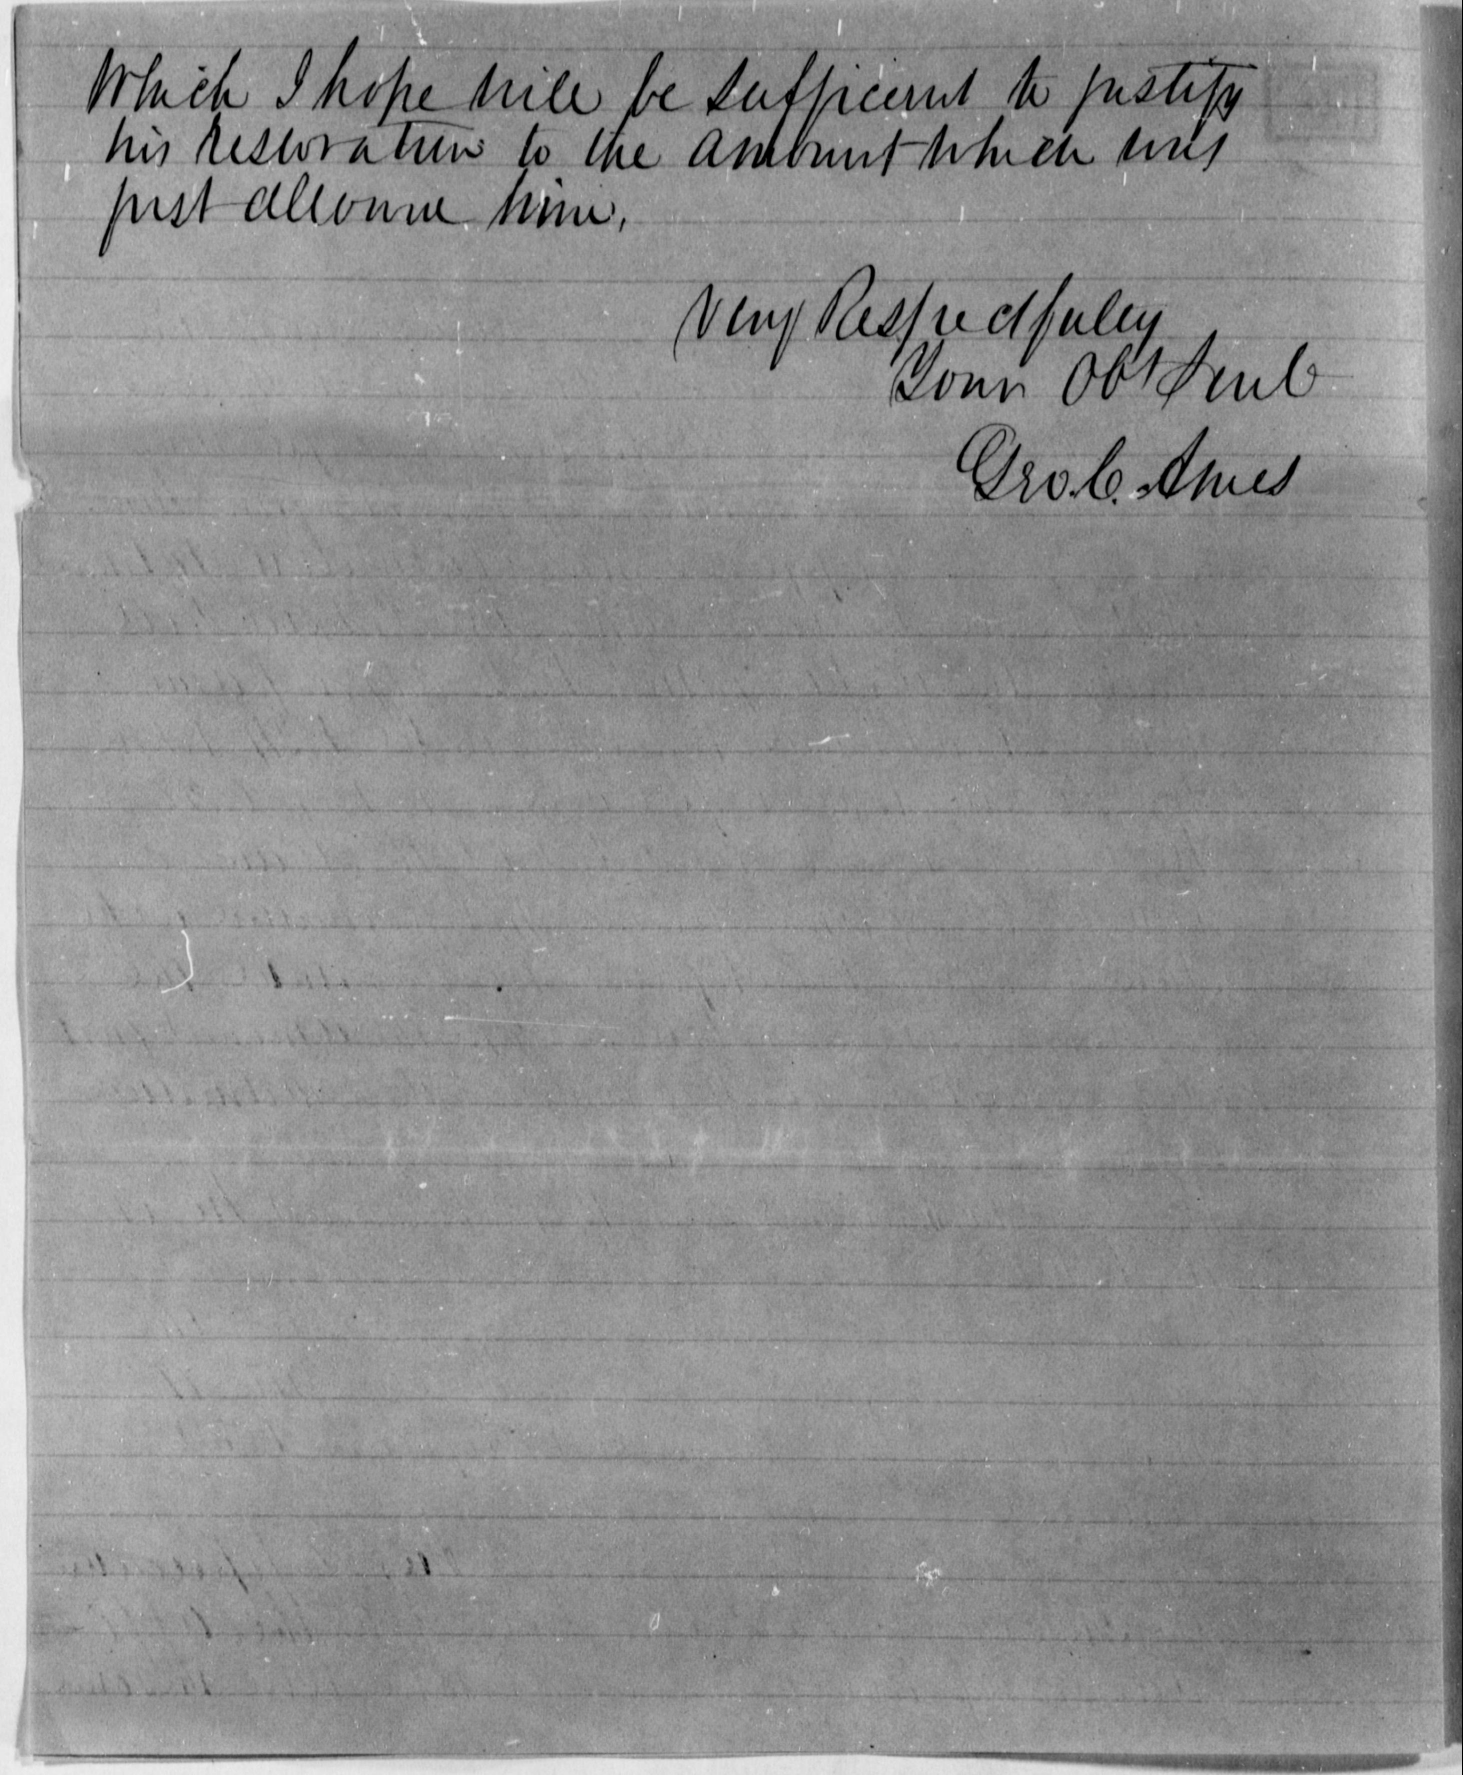...
Which I hope will be sufficient to justify his restoration to the amount which was past allowed him.

Very respectfully
your ob't sev't
[SIGNED: Geo. C. Ames]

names: Geo C Ames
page: 83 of 86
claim: survivor's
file: S 29,568, Isaac Abbot, Mass